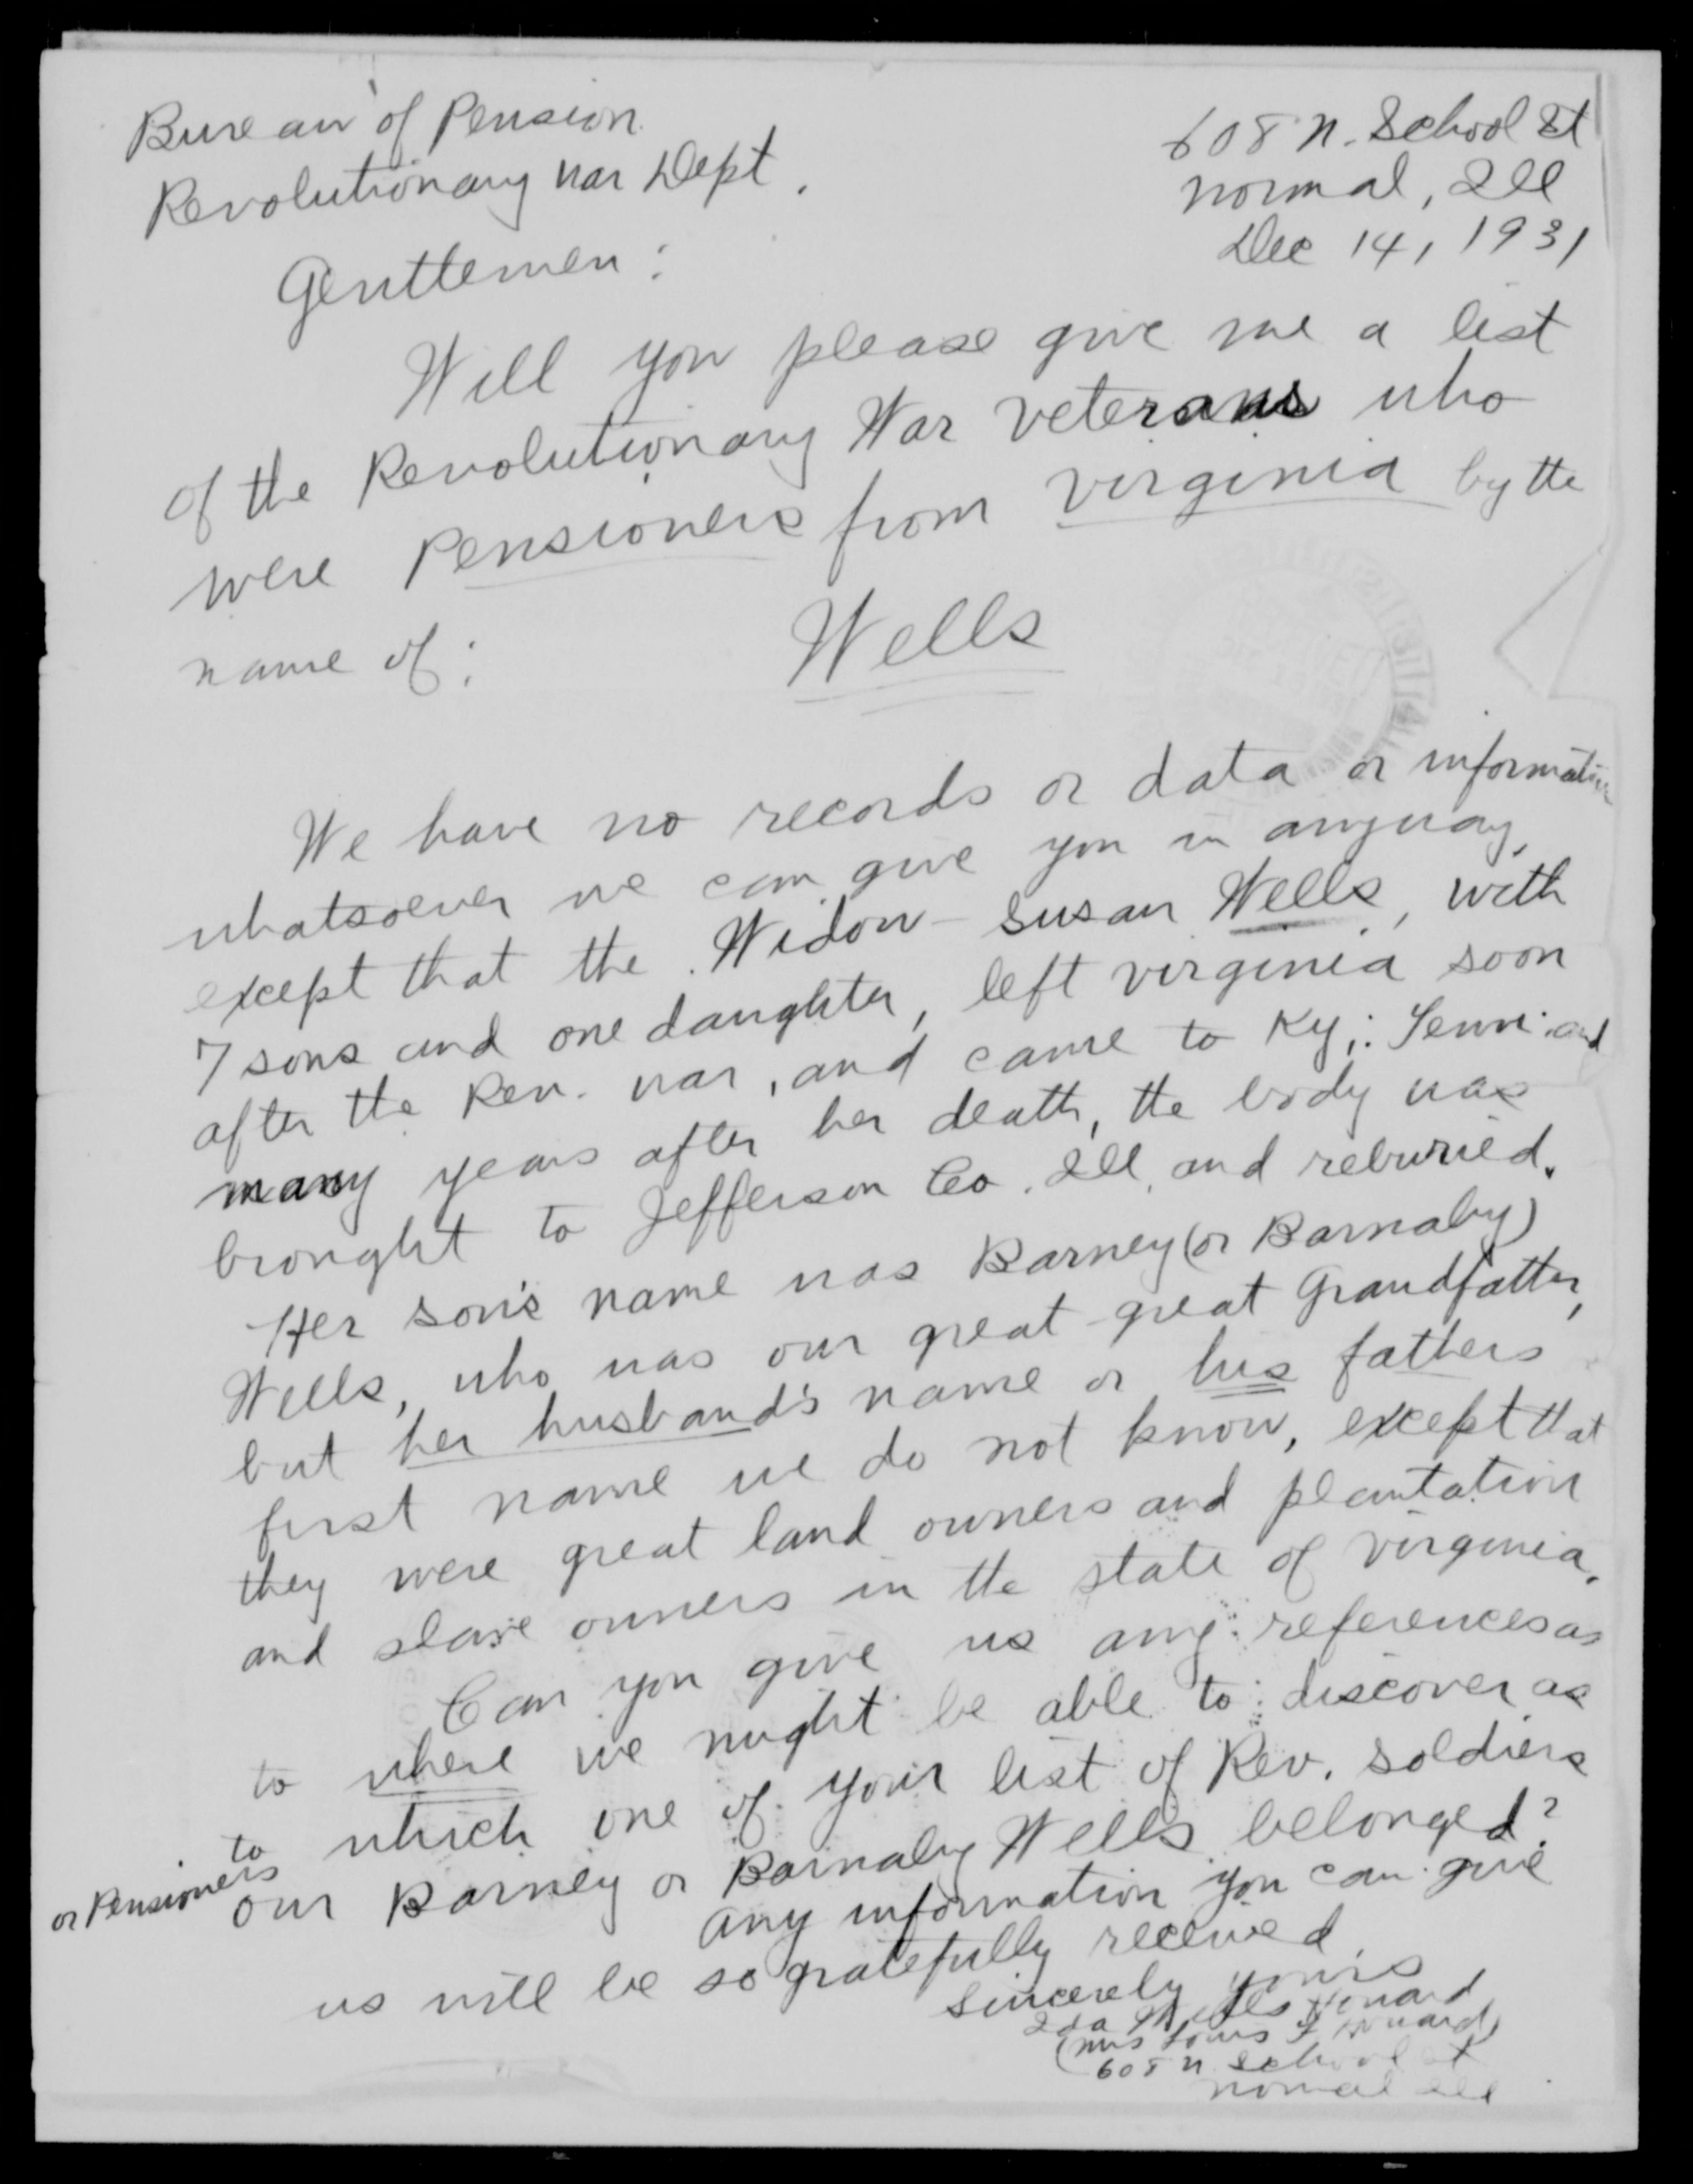608 N. School St
Normal, Ill
Dec 14, 1931

Bureau of Pension
Revolutionary War Dept.

Gentlemen
Will you please give me a list
of the Revolutionary War veterans who
were pensioners from Virginia by the
name of: Wells.
We have no records or data or information
whatsoever we can give you in any way
except that the Widow Susan Wells with
7 sons and one daughter, left Virginia soon
after the Rev. war, and came to Ky. Tenn. and
many years after her death, the body was brought to
Jefferson Co. Ill. and reburied.
Her son’s name was was Barney (or Barnaby) 
Wells who was our great great grandfather but
her husband’s name or his father’s
first name we do not know, except that
they were great land owners and plantation
and slave owners in the State of Virginia.
Can you give us any references as
to where we might be able to discover as
to which one of your list of Rev. Soldiers
or Pensioners pur Barney or Barnaby Wells belonged?
Any information you can give
us will be so gratefully received.
Sincerely yours
Ida Wells Howard
(Mrs. Louis F. Howard)
608 N. School St
Normal, Ill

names: Louis F Howard, Wells, Barnaby Wells, Barney Wells, Susan Wells, Ida Wells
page: 87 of 100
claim: widow's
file: W. 6437, Richard Wells, Ga Va.